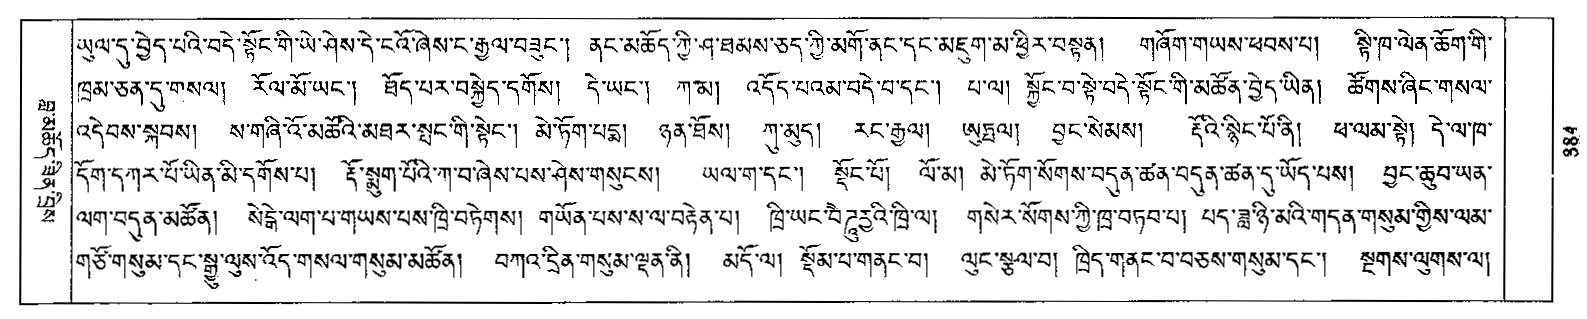ཡུལ་དུ་བྱེད་པའི་བདེ་སྟོང་གི་ཡེ་ཤེས་དེ་ངའོ་ཞེས་ང་རྒྱལ་བཟུང་། ནང་མཆོད་ཀྱི་ཤ་ཐམས་ཅད་ཀྱི་མགོ་ནང་དང་མཇུག་མ་ཕྱིར་བསྟན། གཞོག་གཡས་ཕབས་པ། སྟི་ཁ་ལེན་ཆོག་གི་
ཁྲམ་ཅན་དུ་གསལ། རོལ་མོ་ཡང་། ཐོད་པར་བསྐྱེད་དགོས། དེ་ཡང་། ཀ་མ། འདོད་པའམ་བདེ་བ་དང་། པ་ལ། སྐྱོང་བ་སྟེ་བདེ་སྟོང་གི་མཚོན་བྱེད་ཡིན། ཚོགས་ཞིང་གསལ་
འདེབས་སྐབས། ས་གཞི་འོ་མཚོའི་མཐར་སྤང་གི་སྟེང་། མེ་ཏོག་པདམ། ཉན་ཐོས། ཀུ་མུད། རང་རྒྱལ། ཨུཏྤལ། བྱང་སེམས། རྡོའི་སྙིང་པོ་ནི། ཕ་ལམ་སྟེ། དེ་ལ་ཁ་
དོག་དཀར་པོ་ཡིན་མི་དགོས་པ། རྡོ་སྨུག་པོའི་ཀ་བ་ཞེས་པས་ཤེས་གསུངས། ཡལ་ག་དང་། སྡོང་པོ། ལོ་མ། མེ་ཏོག་སོགས་བདུན་ཚན་བདུན་ཚན་དུ་ཡོད་པས། བྱང་ཆུབ་ཡན་
ལག་བདུན་མཚོན། སེངྒེ་ལག་པ་གཡས་པས་ཁྲི་བཏེགས། གཡོན་པས་ས་ལ་བརྟེན་པ། ཁྲི་ཡང་བཻཌཱུརྱའི་ཁྲི་ལ། གསེར་སོགས་ཀྱི་ཁྲ་བཏབ་པ། པད་ཟླ་ཉི་མའི་གདན་གསུམ་གྱིས་ལམ་
གཙོ་གསུམ་དང་སྒྱུ་ལུས་འོད་གསལ་གསུམ་མཚོན། བཀའ་དྲིན་གསུམ་ལྡན་ནི། མདོ་ལ། སྡོམ་པ་གནང་བ། ལུང་སྩལ་བ། ཁྲིད་གནང་བ་བཅས་གསུམ་དང་། སྔགས་ལུགས་ལ།